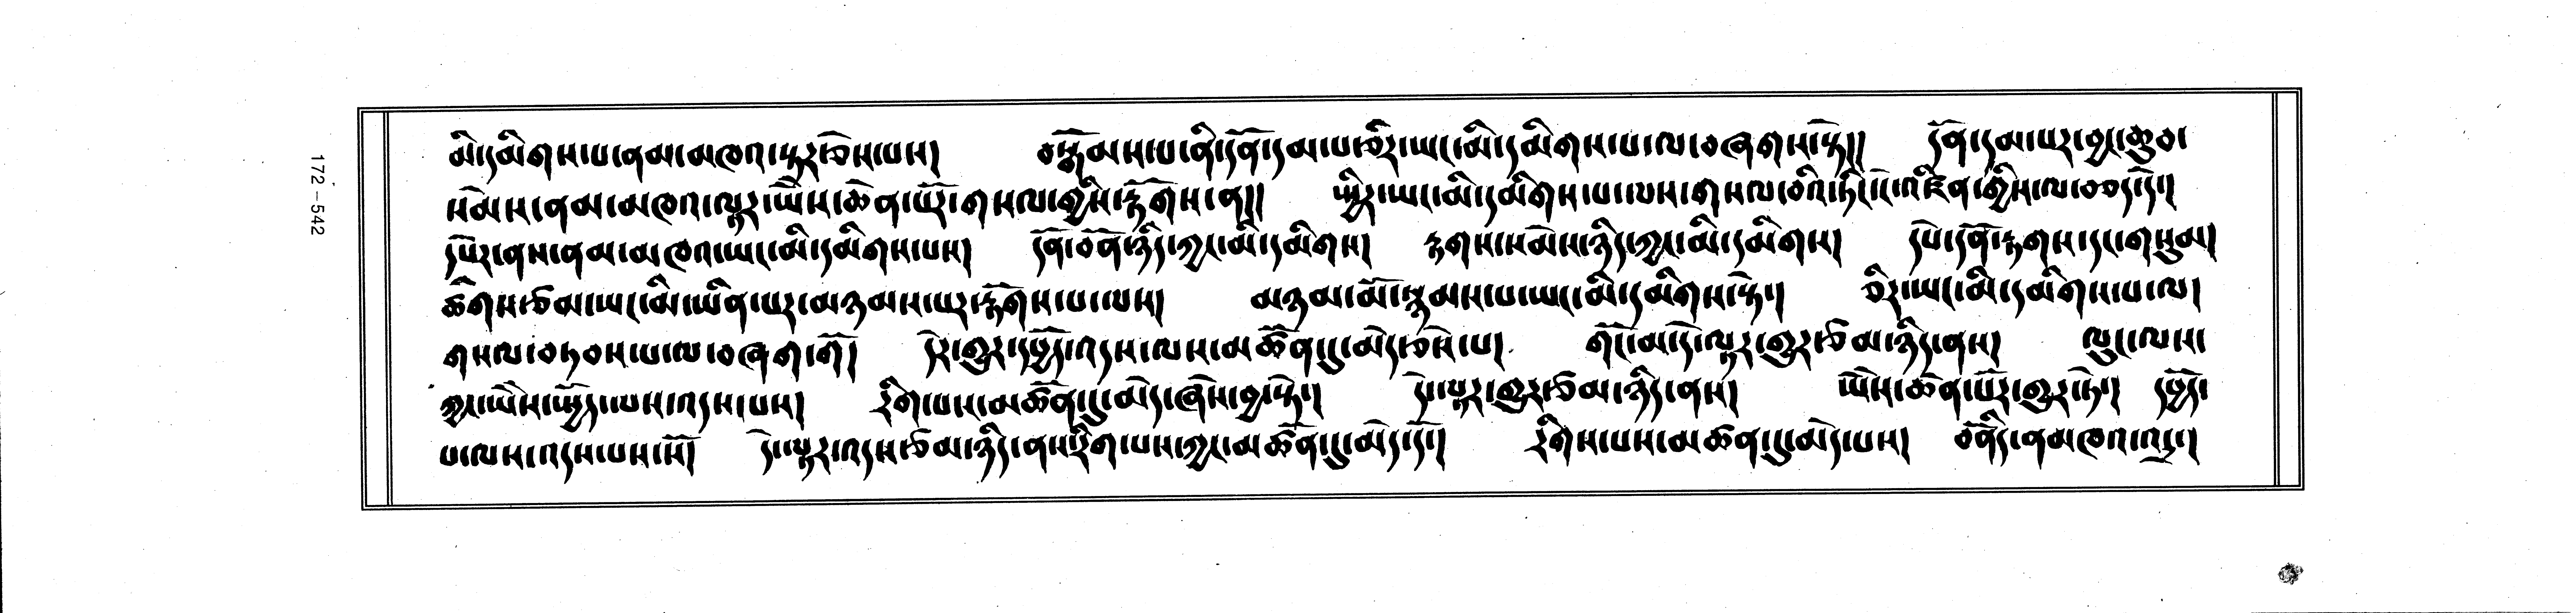མི་དམིགས་ནམ་མཁའ་ལྟར་ཅེས་པས། བསྒོམས་པ་ནི་དོན་དམ་པ་ཅིར་ཡང་མི་དམིགས་པ་ལ་བཞགས་སྟེ། དོན་དམ་པར་བྱང་ཆུབ་
སེམས་ནམ་མཁའ་ལྟར་ཡེ་ཤེས་ཆེན་པོར་གསལ་གྱིས་རྟོགས་ན། སྤྱིར་ཡང་མི་དམིགས་པ་ལས་གསལ་བའི་ཏིང་ངེ་འཛིན་གྱིས་བཅད་དེ། 
དཔེར་ནས་ནམ་མཁའ་ཡང་མི་དམིགས་པས། དོན་བོན་ཉིད་ཀྱང་མི་དམིགས། རྟགས་སེམས་ཉིད་ཀྱང་མི་དམིགས། དཔེ་དོན་རྟགས་དང་གསུམ། 
ཚིགས་ཙམ་ཡང་མི་ཡིན་པར་མཉམ་པར་རྟོགས་པ་ལས། མཉམ་མོ་སྙམས་པ་ཡང་མི་དམིགས་སྟེ། ཅིར་ཡང་མི་དམིགས་པ་ལ། 
གསལ་བཏབས་པ་ལ་བཞག་གོ། དེར་གྱུར་དཔྱོད་འདས་ལས་མཚོན་དུ་མེད་ཅེས་པ། གོང་མ་དེ་ལྟར་གྱུར་ཙམ་ཉིད་ནས། ལུང་ལས་
ཀྱང་ཡེ་ཤེས་སྤྱོད་ལས་འདས་པས། རིགས་པས་མཚོན་དུ་མེད་ཞེས་བྱ་སྟེ། དེ་ལྟར་གྱུར་ཙམ་ཉིད་ནས། ཡེ་ཤེས་ཆེན་པོར་གྱུར་ཏེ། དཔྱོད་
པ་ལས་འདས་པས་སོ། དེ་ལྟར་འདས་ཙམ་ཉིད་ནས་རིག་པས་ཀྱང་མཚོན་དུ་མེད་དོ། རིག་པས་མཚན་དུ་མེད་པས། བོན་ཉིད་ནམ་མཁའ་འདྲ།